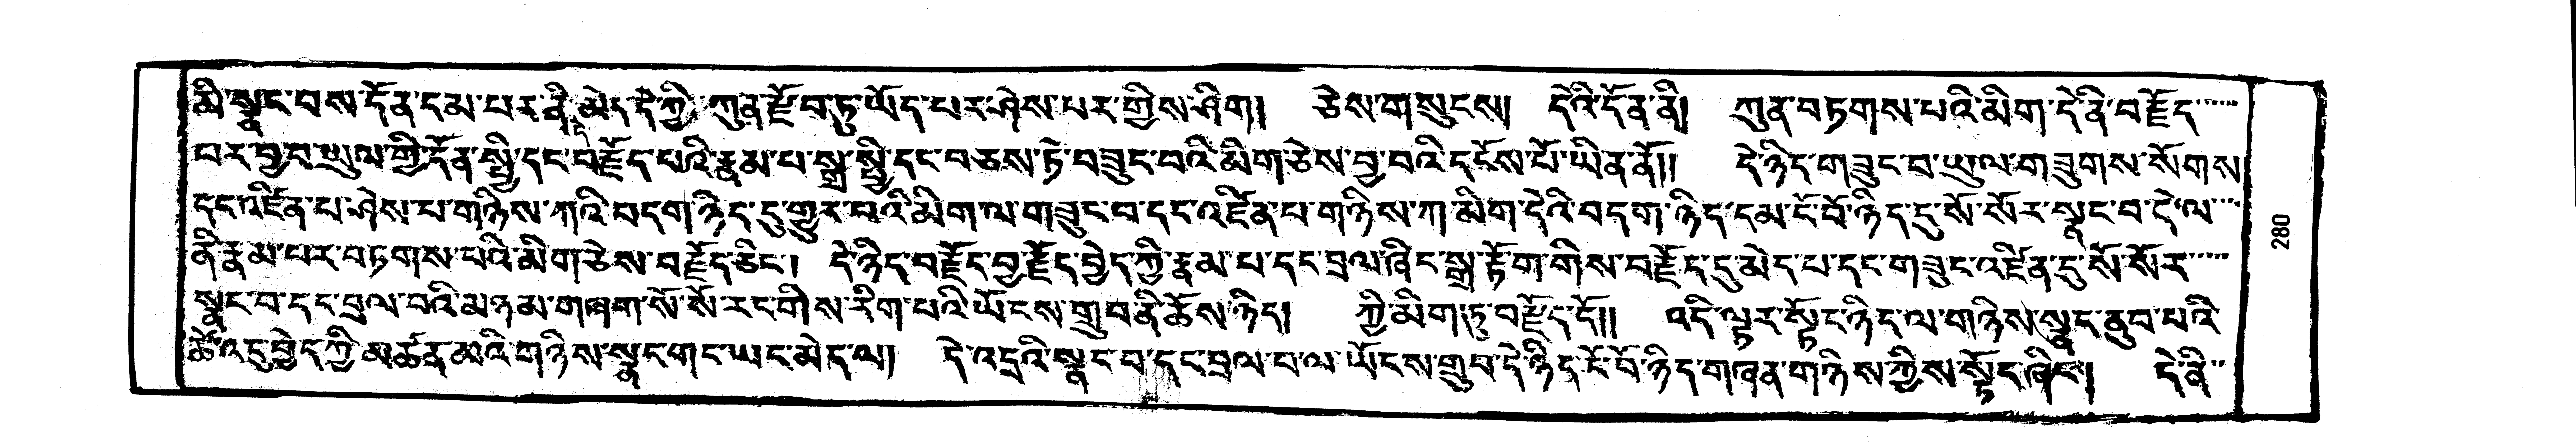མི་སྣང་བས་དོན་དམ་པར་ནི་དེ་མེད་དེ་ཀྱི་ཀུན་རྫོབ་ཏུ་ཡོད་པར་ཤེས་པར་གྱིས་ཤིག །ཅེས་གསུངས། དེའི་དོན་ནི། ཀུན་བཏགས་པའི་མིག་དེ་ནི་བརྗོད་
པར་བྱ་བ་ཡུལ་གྱི་དོན་སྤྱི་དང་བརྗོད་པའི་རྣམ་པ་སྒྲ་སྤྱི་དང་བཅས་ཏེ་བཟུང་བའི་མིག་ཅེས་བྱ་བའི་དངོས་པོ་ཡིན་ནོ། །དེ་ཉིད་གཟུང་བ་ཡུལ་གཟུགས་སོགས་
དང་འཛིན་པ་ཤེས་པ་གཉིས་ཀའི་བདག་ཉིད་དུ་གྱུར་པའི་མིག་ལ་གཟུང་བ་དང་འཛིན་པ་གཉིས་ཀ་མིག་དེའི་བདག་ཉིད་དམ་ངོ་བོ་ཉིད་དུ་སོ་སོར་སྣང་བ་དེ་ལ་
ནི་རྣམ་པར་བཏགས་པའི་མིག་ཅེས་བརྗོད་ཅིང་། དེ་ཉིད་བརྗོད་བྱ་རྗོད་བྱེད་ཀྱི་རྣམ་པ་དང་བྲལ་ཞིང་སྒྲ་རྟོག་གིས་བརྗོད་དུ་མེད་པ་དང་གཟུང་འཛིན་དུ་སོ་སོར་
སྣང་བ་དང་བྲལ་བའི་མཉམ་གཞག་སོ་སོ་རང་གིས་རིག་པའི་ཡོངས་གྲུབ་ནི་ཆོས་ཉིད། ཀྱི་མིག་ཏུ་བརྗོད་དོ། །འདི་ལྟར་སྟོང་ཉིད་ལ་གཉིས་སྣང་ནུབ་པའི་
ཚེ་འདུ་བྱེད་ཀྱི་མཚན་མའི་གཉིས་སྣང་གང་ཡང་མེད་ལ། དེ་འདྲའི་སྣང་བ་དང་བྲལ་བ་ལ་ཡོངས་གྲུབ་དེ་ཉིད་ངོ་བོ་ཉིད་གཞན་གཉིས་ཀྱིས་སྟོང་ཞིང་། དེ་ནི་